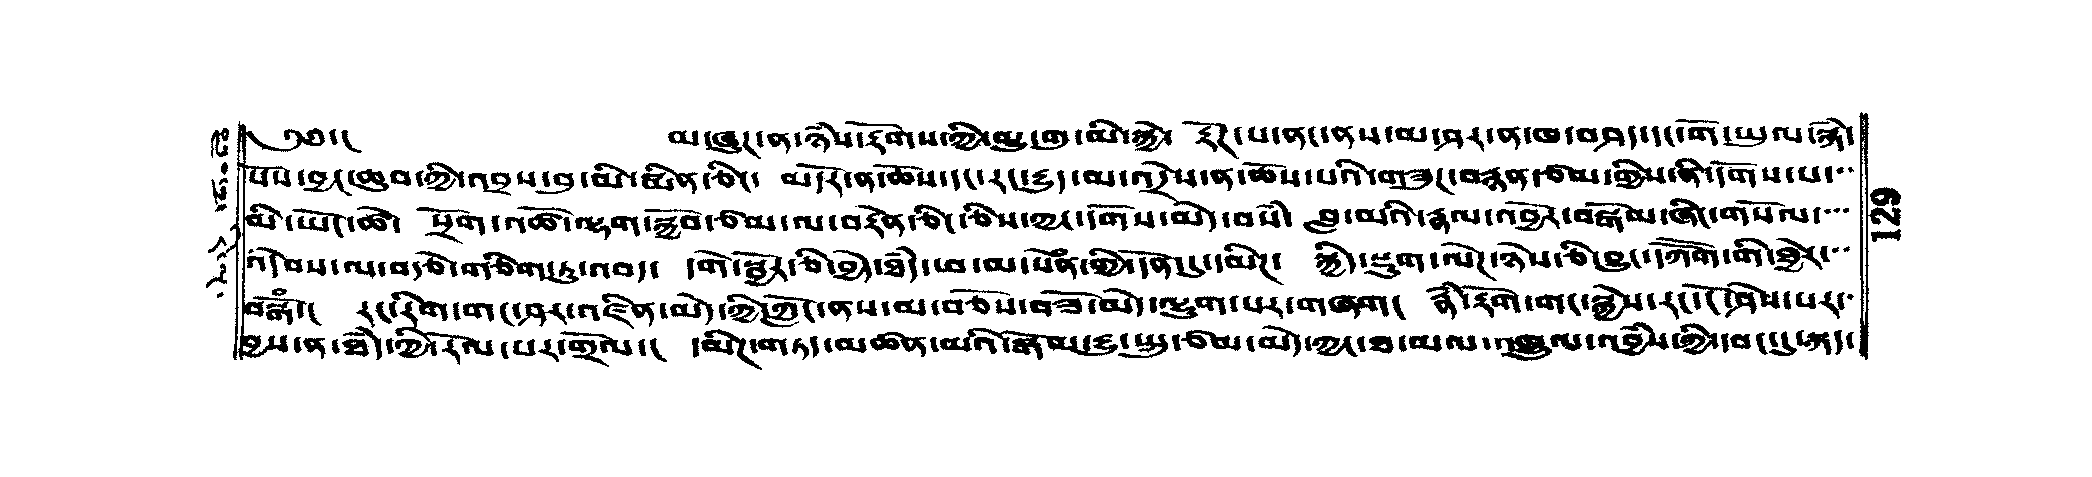མ་ཞུགས་ན་ཉམས་རྟོགས་ཀྱི་མྱུ་གུ་མི་སྐྱེ། རྟོགས་པ་ནང་ནས་མ་ཤར་ན་ཁ་བཤད་དང་གོ་ཡུལ་སྐམ་
པོས་བྱང་ཆུབ་ཀྱི་འབྲས་བུ་མི་སྨིན་ཅིང་། མདོར་ན་ཆོས་དང་རང་རྒྱུད་མ་འདྲེས་ན་ཆོས་པའི་གཟུགས་བརྙན་ཙམ་གྱིས་ནི་དགོས་པ་
མི་ཡོང་ཚེ། སྲོག་འཚོ་ལྷགས་སྐྱོབ་ཙམ་ལ་བརྟེན་ཅིང་ཅིས་ཀྱང་དགོས་མེད་བསམ།བླ་མའི་རྣལ་འབྱོར་བསྒོམ་ཞིང་གསོལ་
འདེབས་ལ་རྩེ་གཅིག་ཏུ་འབད། དགེ་སྦྱོར་ཅི་བྱེད་ཐམས་ཅད་ཕ་མ་སེམས་ཅན་གྱི་དོན་དུ་དམིགས། སྐྱིད་སྡུག་ལེགས་ཉེས་ཅི་བྱུང་དཀོན་མཆོག་གི་ཐུགས་རྗེར་
བསྒོམ། རང་རིག་གང་ཤར་འཛིན་མེད་ཀྱི་ཀློང་ནས་མ་བཅོས་བཟོ་མེད་ལྷུག་པར་བཞག རྣམ་རྟོག་གང་སྐྱེས་རང་ངོ་ཤེས་པར་
བྱས་ན་ཐམས་ཅད་ཀྱི་རོལ་བར་གྲོལ། དམིགས་གཏད་མཚན་མའི་སྒོམ་རྒྱུ་སྤུ་ཙམ་མེད་ཀྱང་ཐ་མལ་འཁྲུལ་འབྱམས་ཀྱི་དབང་དུ་སྐད་